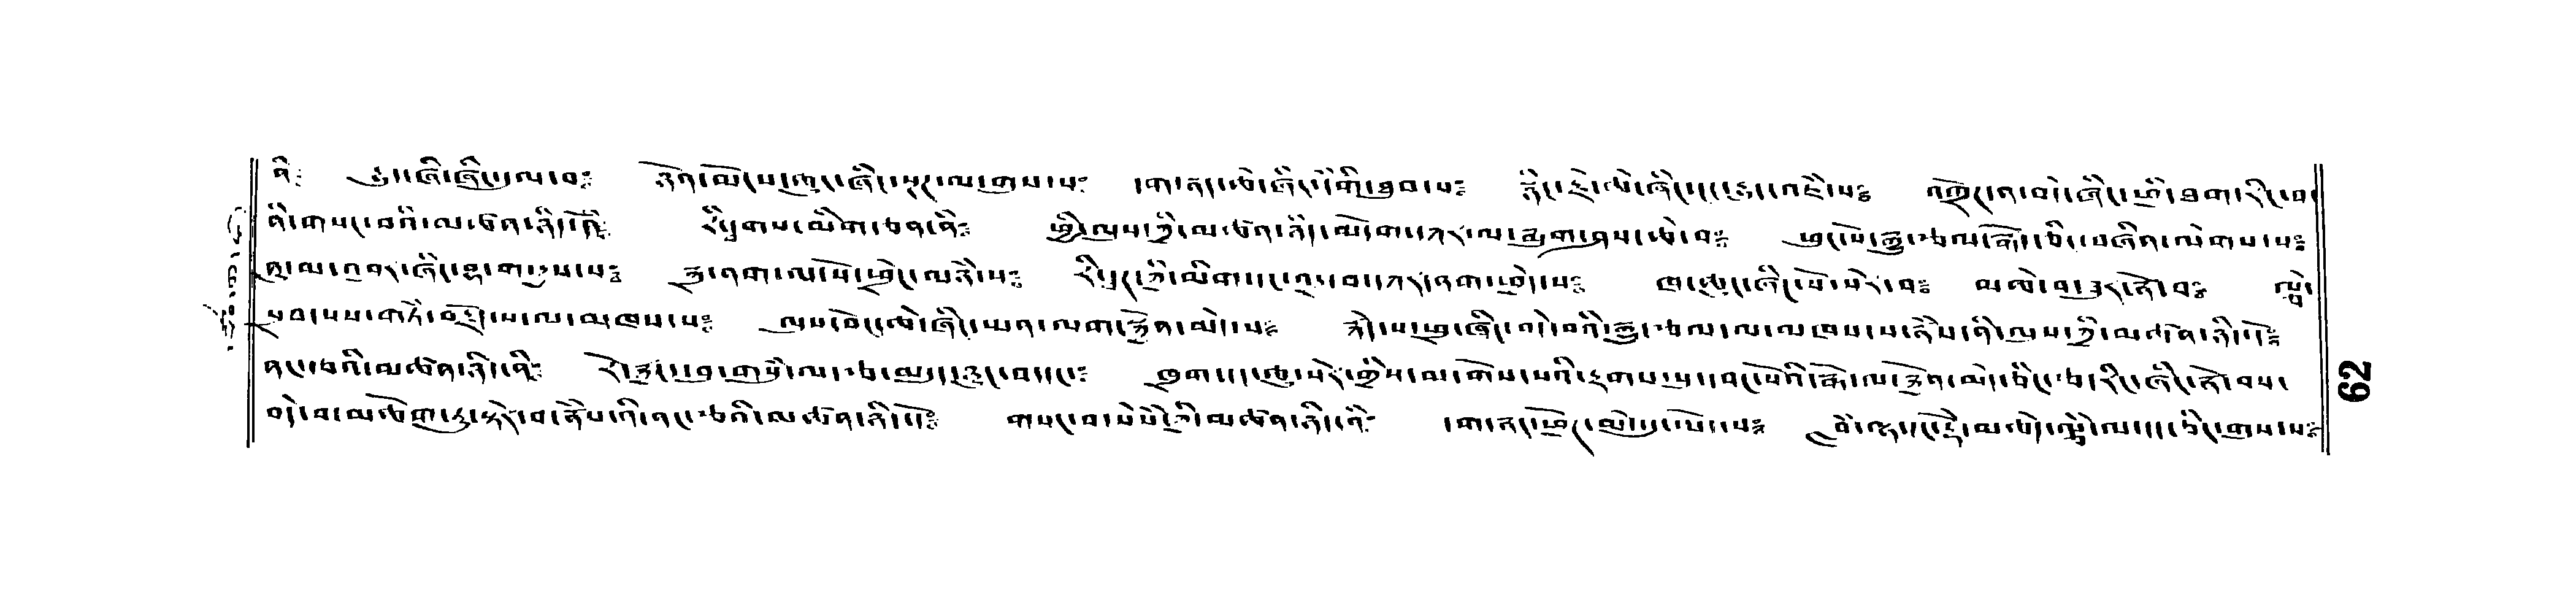ནི༔ རྒྱུད་ཞི་ཞིང་དུལ་བ༔ ཉོན་མོངས་ཆུང་ཞིང་སྔགས་ལ་གུས་པ༔ དག་སྣང་ཆེ་ཞིང་དམ་ཚིག་ཐུབ་པ༔ སྙིང་རྗེ་ཆེ་ཞིང་ངང་རྒྱུད་འཇམ་པ༔ འགྲོགས་ན་བདེ་ཞིང་ཕྱི་ཐག་རིང་བ་
ནི་གསང་བའི་མཚན་ཉིད་དོ༔ རི་དྭགས་མིག་ཅན་ནི༔ ཕྱི་ལུས་ཀྱི་མཚན་ཉིད་མདོག་དཀར་ལ་སྨུག་ཤས་ཆེ་བ༔ ཕུང་པོ་སྒྱུ་རྩལ་སྒོད་ཅིང་བཞིན་ལེགས་པ༔ 
ནུ་མ་འབུར་ཞིང་བྷ་ག་རྒྱས་པ༔ སྐྲ་ནག་ལ་སོ་ཕྲེང་མཉམ་པ༔ རི་དྭགས་ཀྱི་མིག་དང་འདྲ་བ་དཀར་ནག་ཕྱེད་པ༔ ཁ་ཆུང་ཞིང་སོ་སེར་བ༔ མཆེ་བ་ཟུར་རྣོ་བ༔ ལྕེ་
སྲབ་པས་གཏམ་བརྗོད་པ་ལ་མཁས་པ༔ ལུས་བོང་ཆེ་ཞིང་ཡན་ལག་སྐྱོན་མེད་པ༔ རྐེད་པ་ཕྲ་ཞིང་བདེ་བའི་སྒྱུ་རྩལ་ལ་མཁས་པ་རྣམས་ནི་ལུས་ཀྱི་མཚན་ཉིད་དོ༔ 
ནང་རྩའི་མཚན་ཉིད་ནི༔ རོ་རྐྱང་དབུ་གསུམ་ལ་རྩ་མདུད་ཉུང་བ་དང༔ ཁྲག་དང་ཆུ་སེར་གྱིས་མ་དགོས་པའི་རྟགས་སུ་དབང་པོའི་སྒོ་ལ་སྐྱོན་མེད་ཅིང་རྩ་རིང་ཞིང་རྣོ་བས་
བདེ་བ་མཆོག་ཏུ་སྟེར་བ་རྣམས་ནི་ནང་རྩའི་མཚན་ཉིད་དོ༔ གསང་བ་སེམས་ཀྱི་མཚན་ཉིད་ནི༔ དག་སྣང་ཕྱོགས་མེད་དུ་ཡོད་པ༔ བླ་མ་ལྷ་དང་རྡོ་རྗེ་མཆེད་ལྕམ་ལ་དད་ཅིང་གུས་པ༔